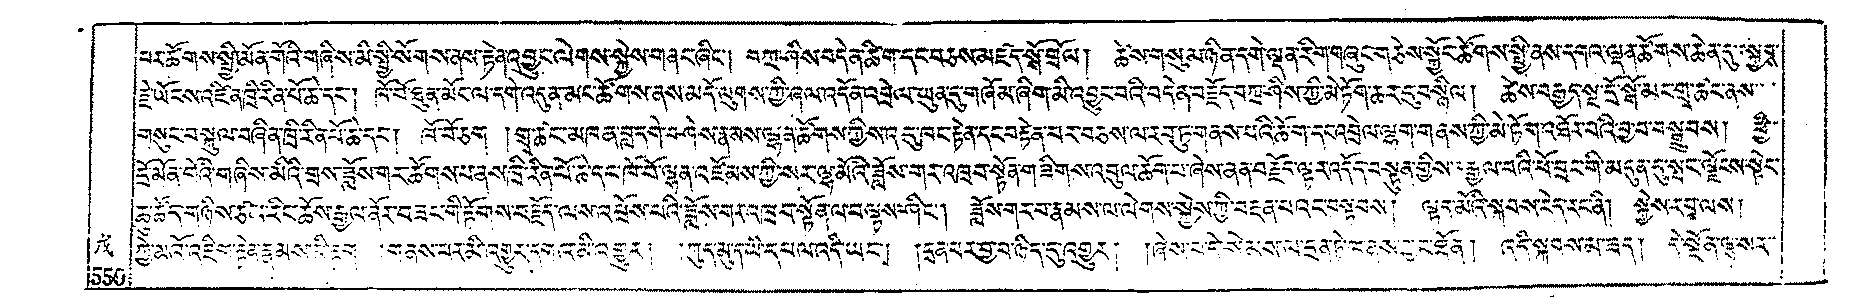པར་ཚོགས་སྤྱི། མོན་གོའི་གཞིས་མི་སྤྱི་སོགས་ནས་རྟེན་འབྱུང་ལེགས་སྐྱེས་གནང་ཞིང་། བཀྲ་ཤིས་བདེན་ཚིག་དང་བཅས་མཛད་སྒོ་གྲོལ། ཚེས་གསུམ་ཉིན་དགེ་ལྡན་རིག་གཞུང་གཅེས་སྐྱོང་ཚོགས་སྤྱི་ནས་དགའ་ལྡན་ཚོགས་ཆེན་དུ་༧སྐྱབས་
རྗེ་ཡོངས་འཛིན་ཁྲི་རིན་པོ་ཆེ་དང་། ཁོ་བོ་ཐུན་མོང་ལ་དགེ་འདུན་མང་ཚོགས་ནས་མདོ་ལུགས་ཀྱི་ཞལ་འདོན་འབྲེལ་ཡུན་དུ་གཞོམ་ཞིག་མི་འབྱུང་བའི་བདེན་བརྗོད་བཀྲ་ཤིས་ཀྱི་མེ་ཏོག་ཆར་དུ་བསྙིལ། ཚེས་བརྒྱད་སྔ་དྲོ་སྒོ་མང་གྲྭ་ཚང་ནས་
གསུང་བསྐུལ་བཞིན་ཁྲི་རིན་པོ་ཆེ་དང་། ཁོ་བོ་ཅག །གྲྭ་ཚང་མཁན་བླ་དགེ་བཤེས་རྣམས་ལྷན་ཚོགས་ཀྱིས་འདུ་ཁང་རྟེན་དང་བརྟེན་པར་བཅས་ལ་རབ་ཏུ་གནས་པའི་ཆོ་ག་དང་འབྲེལ་ལྷག་གནས་ཀྱི་མེ་ཏོག་འཐོར་བའི་བྱ་བ་བསྒྲུབས། ཕྱི་
དྲོ་མོན་གོའི་གཞིས་མིའི་གྲས་ཟློས་གར་ཚོགས་པ་ནས་ཁྲི་རིན་པོ་ཆེ་དང་ཁོ་བོ་ལྷན་འཛོམས་ཀྱི་སར་ལྷ་མོའི་ཟློས་གར་འཁྲབ་སྟོན་གཟིགས་འབུལ་ཆོག་པ་ཞེས་ནན་བརྗོད་ལྟར་འདོད་བསྟུན་གྱིས་༧རྒྱལ་བའི་ཕོ་བྲང་གི་མདུན་དུ་སྤང་ལྗོངས་སྟེང་
ཆུ་ཚོད་གཉིས་ཙམ་རིང་ཆོས་རྒྱལ་ནོར་བཟང་གི་རྟོགས་བརྗོད་ལས་འཕྲོས་པའི་ཟློས་གར་འཁྲབ་སྟོན་ལ་བལྟས་ཤིང་། ཟློས་གར་བ་རྣམས་ལ་ལེགས་སྐྱེས་ཀྱི་བརྡན་པའང་བསྟབས། ལྟད་མོའི་སྐབས་ངེད་རང་ནི། སྐྱེས་རབ་ལས།
ཀྱེ་མའོ་འཇིག་རྟེན་རྣམས་མི་རྟག །གནས་པར་མི་འགྱུར་དགའ་མི་འགྱུར། །ཀུད་མུ་ད་ཡི་དཔལ་འདི་ཡང་། །དྲན་པར་བྱ་བ་ཉིད་དུ་འགྱུར། །ཞེས་པ་དེ་སེམས་ལ་དྲན་ཏེ་ཁ་ནས་ཀྱང་ཐོན། འདི་སྐབས་མ་ཟད། དེ་སྔོན་ལྷ་སར་